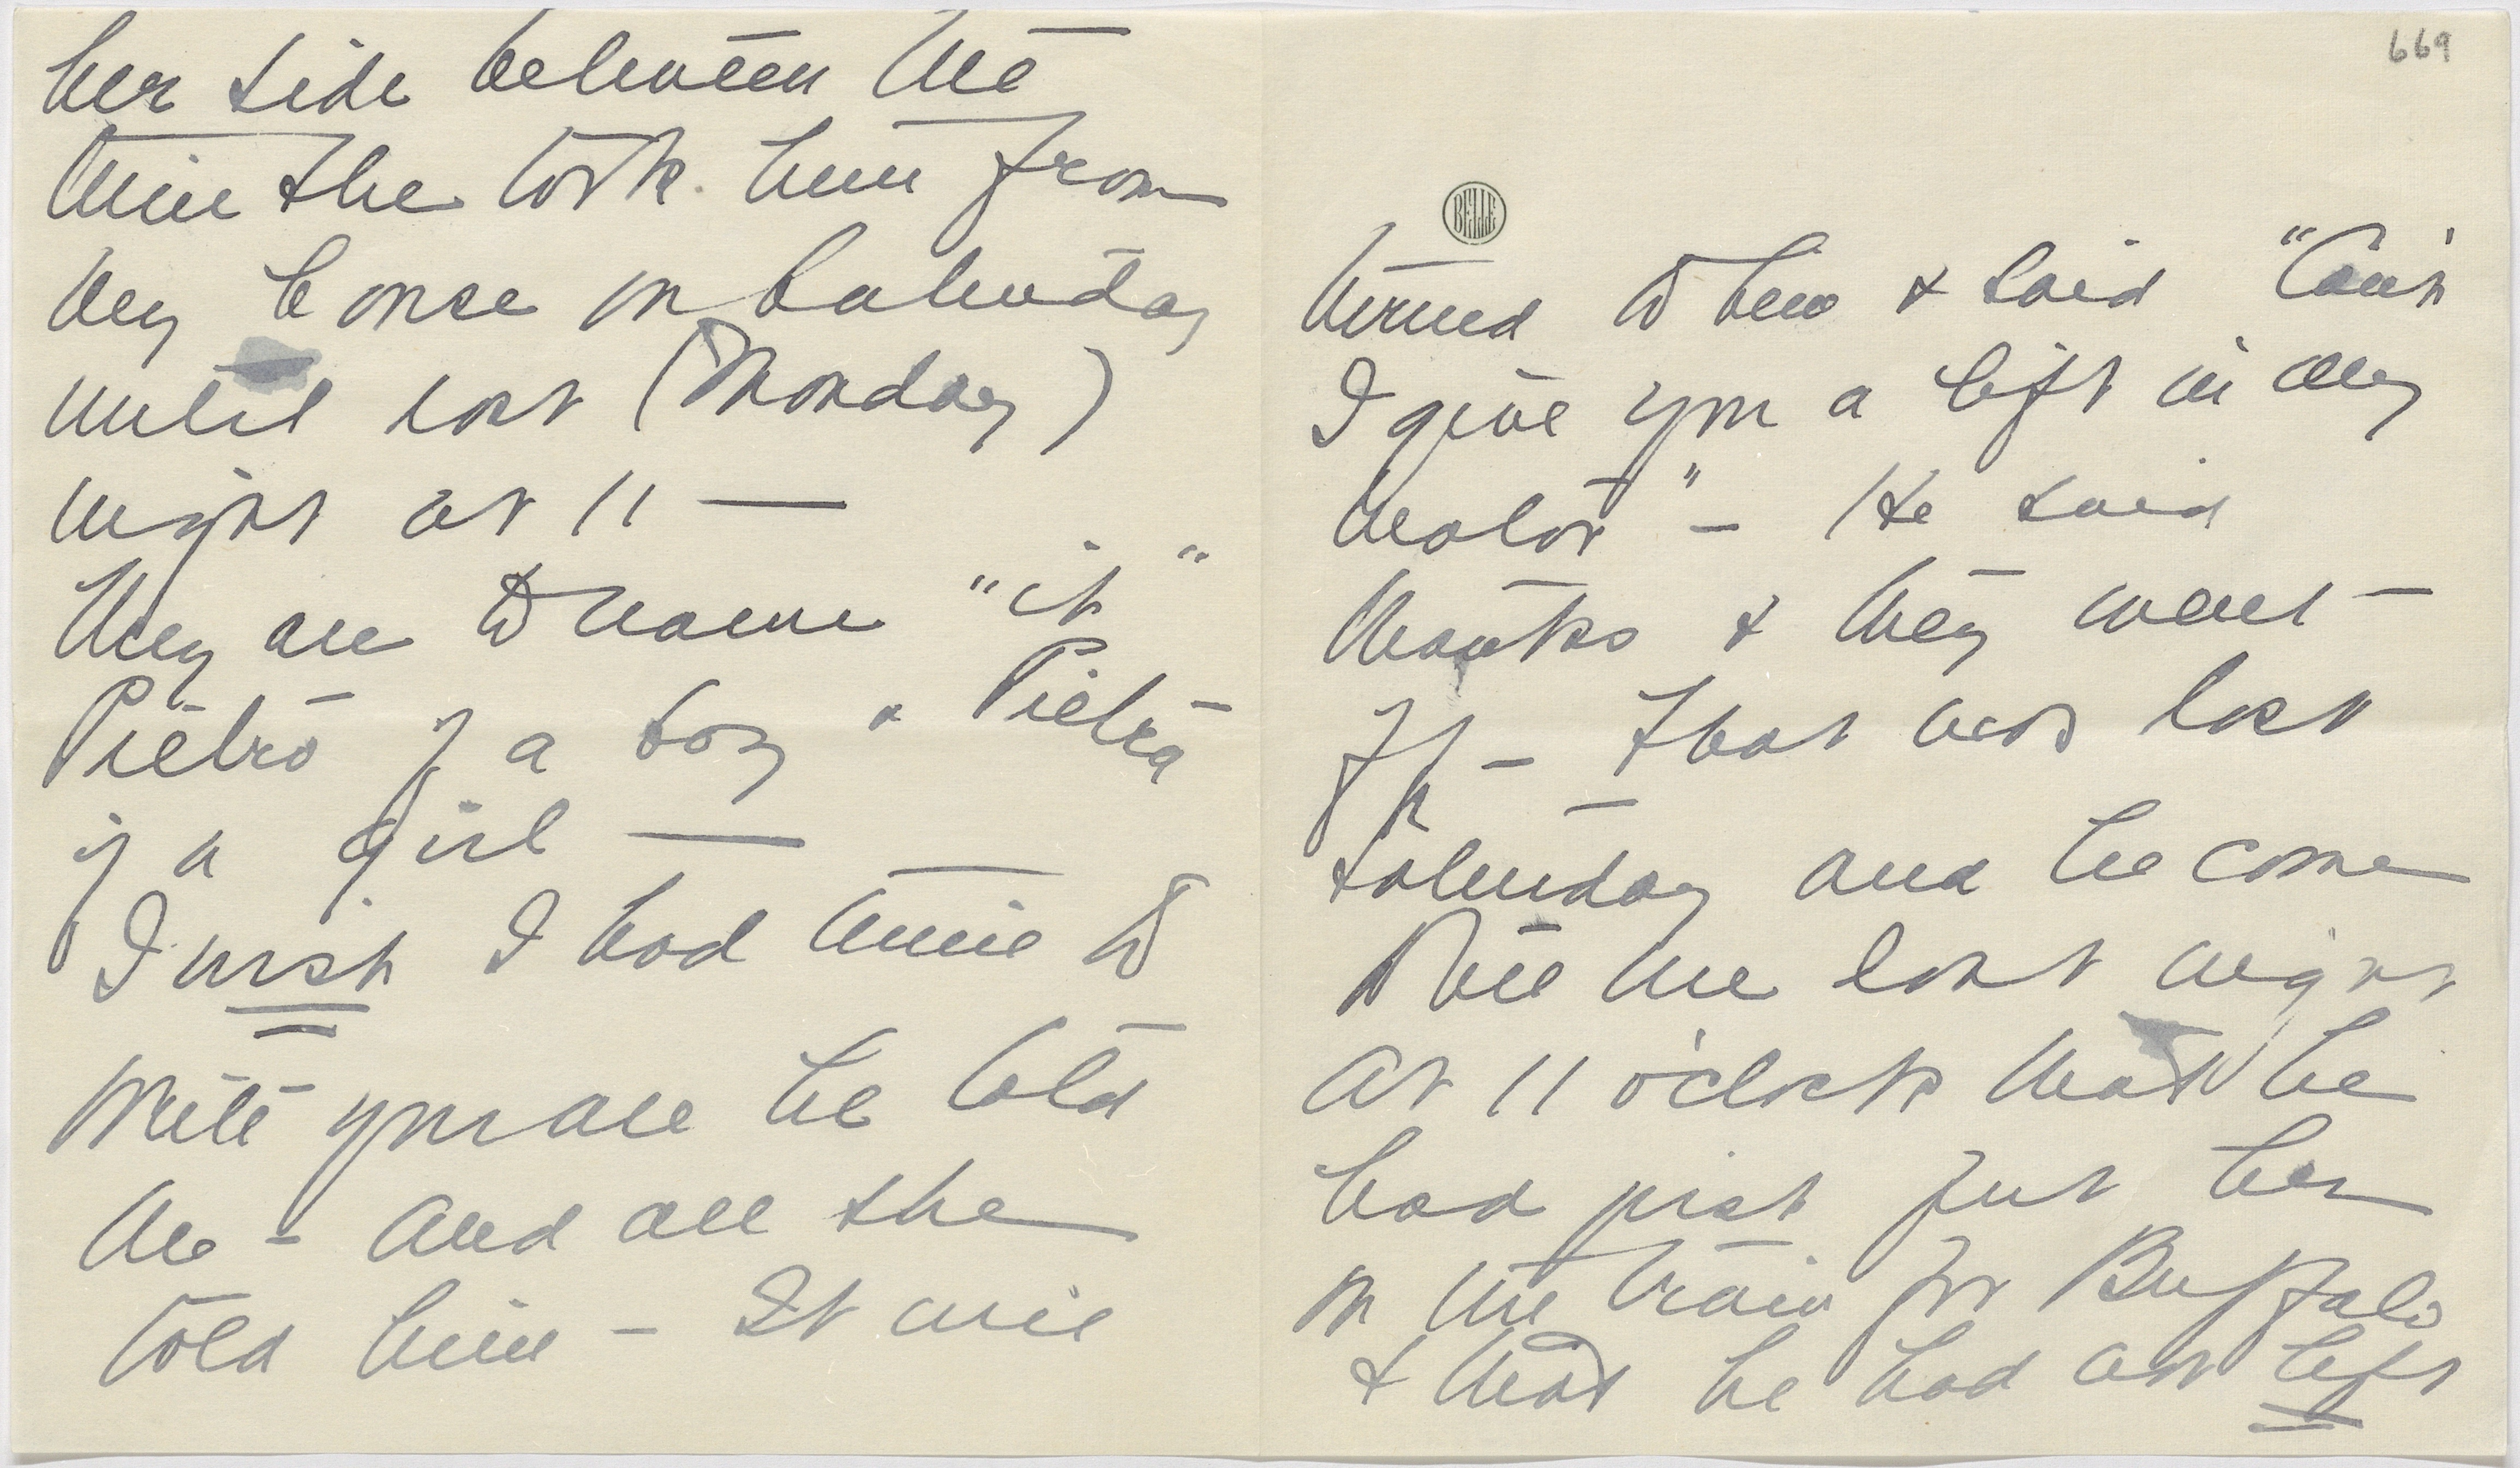turned to him & said “Can’t I give you a lift in my motor” – He said thanks & they went off – That was last Saturday and he came to tell me last night at 11 o’clock that he had just put her on the train for Buffalo & that he had not [double underlined: left]
her side between the time she took him from my house on Saturday until last (Monday) night at 11 –
They are to name “it” Pietro if a boy & Pietra if a girl –
I [double underlined: wish] I had time to write you all he told me – and all she told him – It will